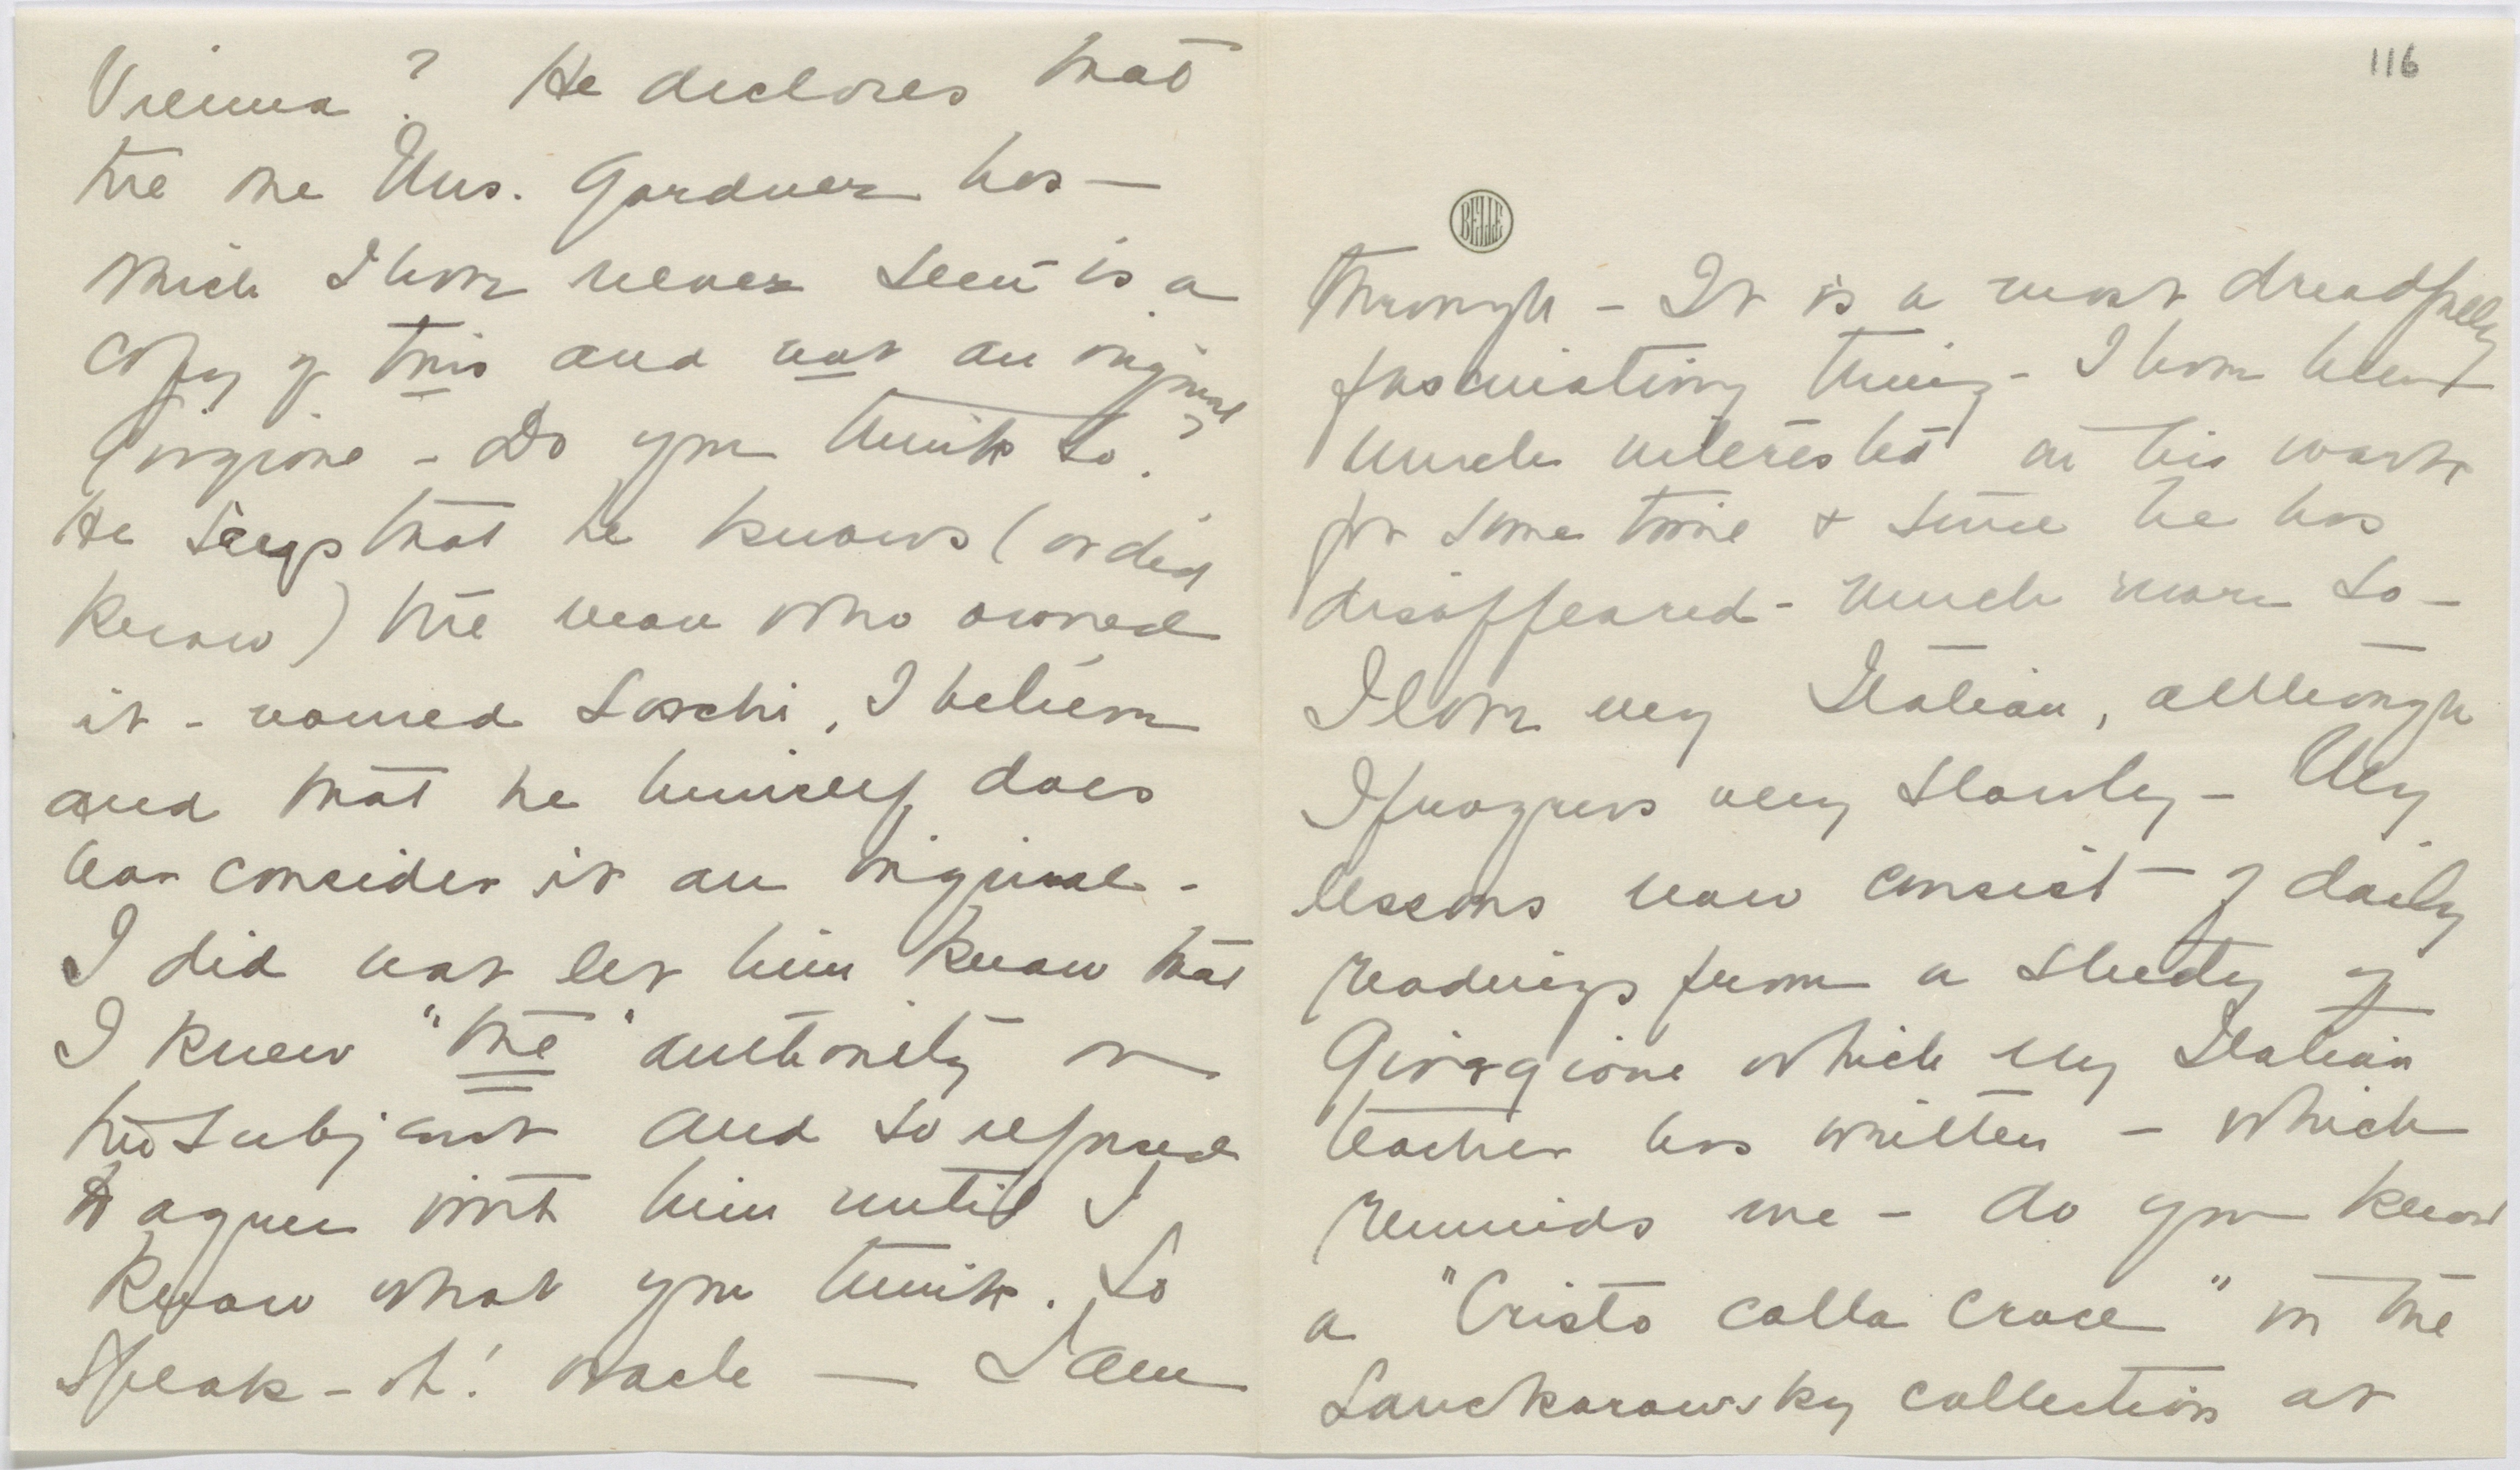through – It is a most dreadfully fascinating thing – I have been much interested in his work for some time & since he has disappeared – much more so – I love my Italian, although I progress very slowly – My lessons now consist of daily readings from a study of Giorgione which my Italian teacher has written – which reminds me – do you know a “Cristo calla [sic] croce” in the Lanckoronsky collection at
Vienna? He declares that the one Mrs. Gardner has – which I have never seen is a copy of this and not an original Giorgione – Do you think so? He says that he knows (or did know) the man who owned it – named Loschi, I believe and that he himself does not consider it an original – I did not let him know that I knew [double underlined: “the”] authority on the subject and so refused to agree with him until I know what you think. So speak – oh! oracle – I am